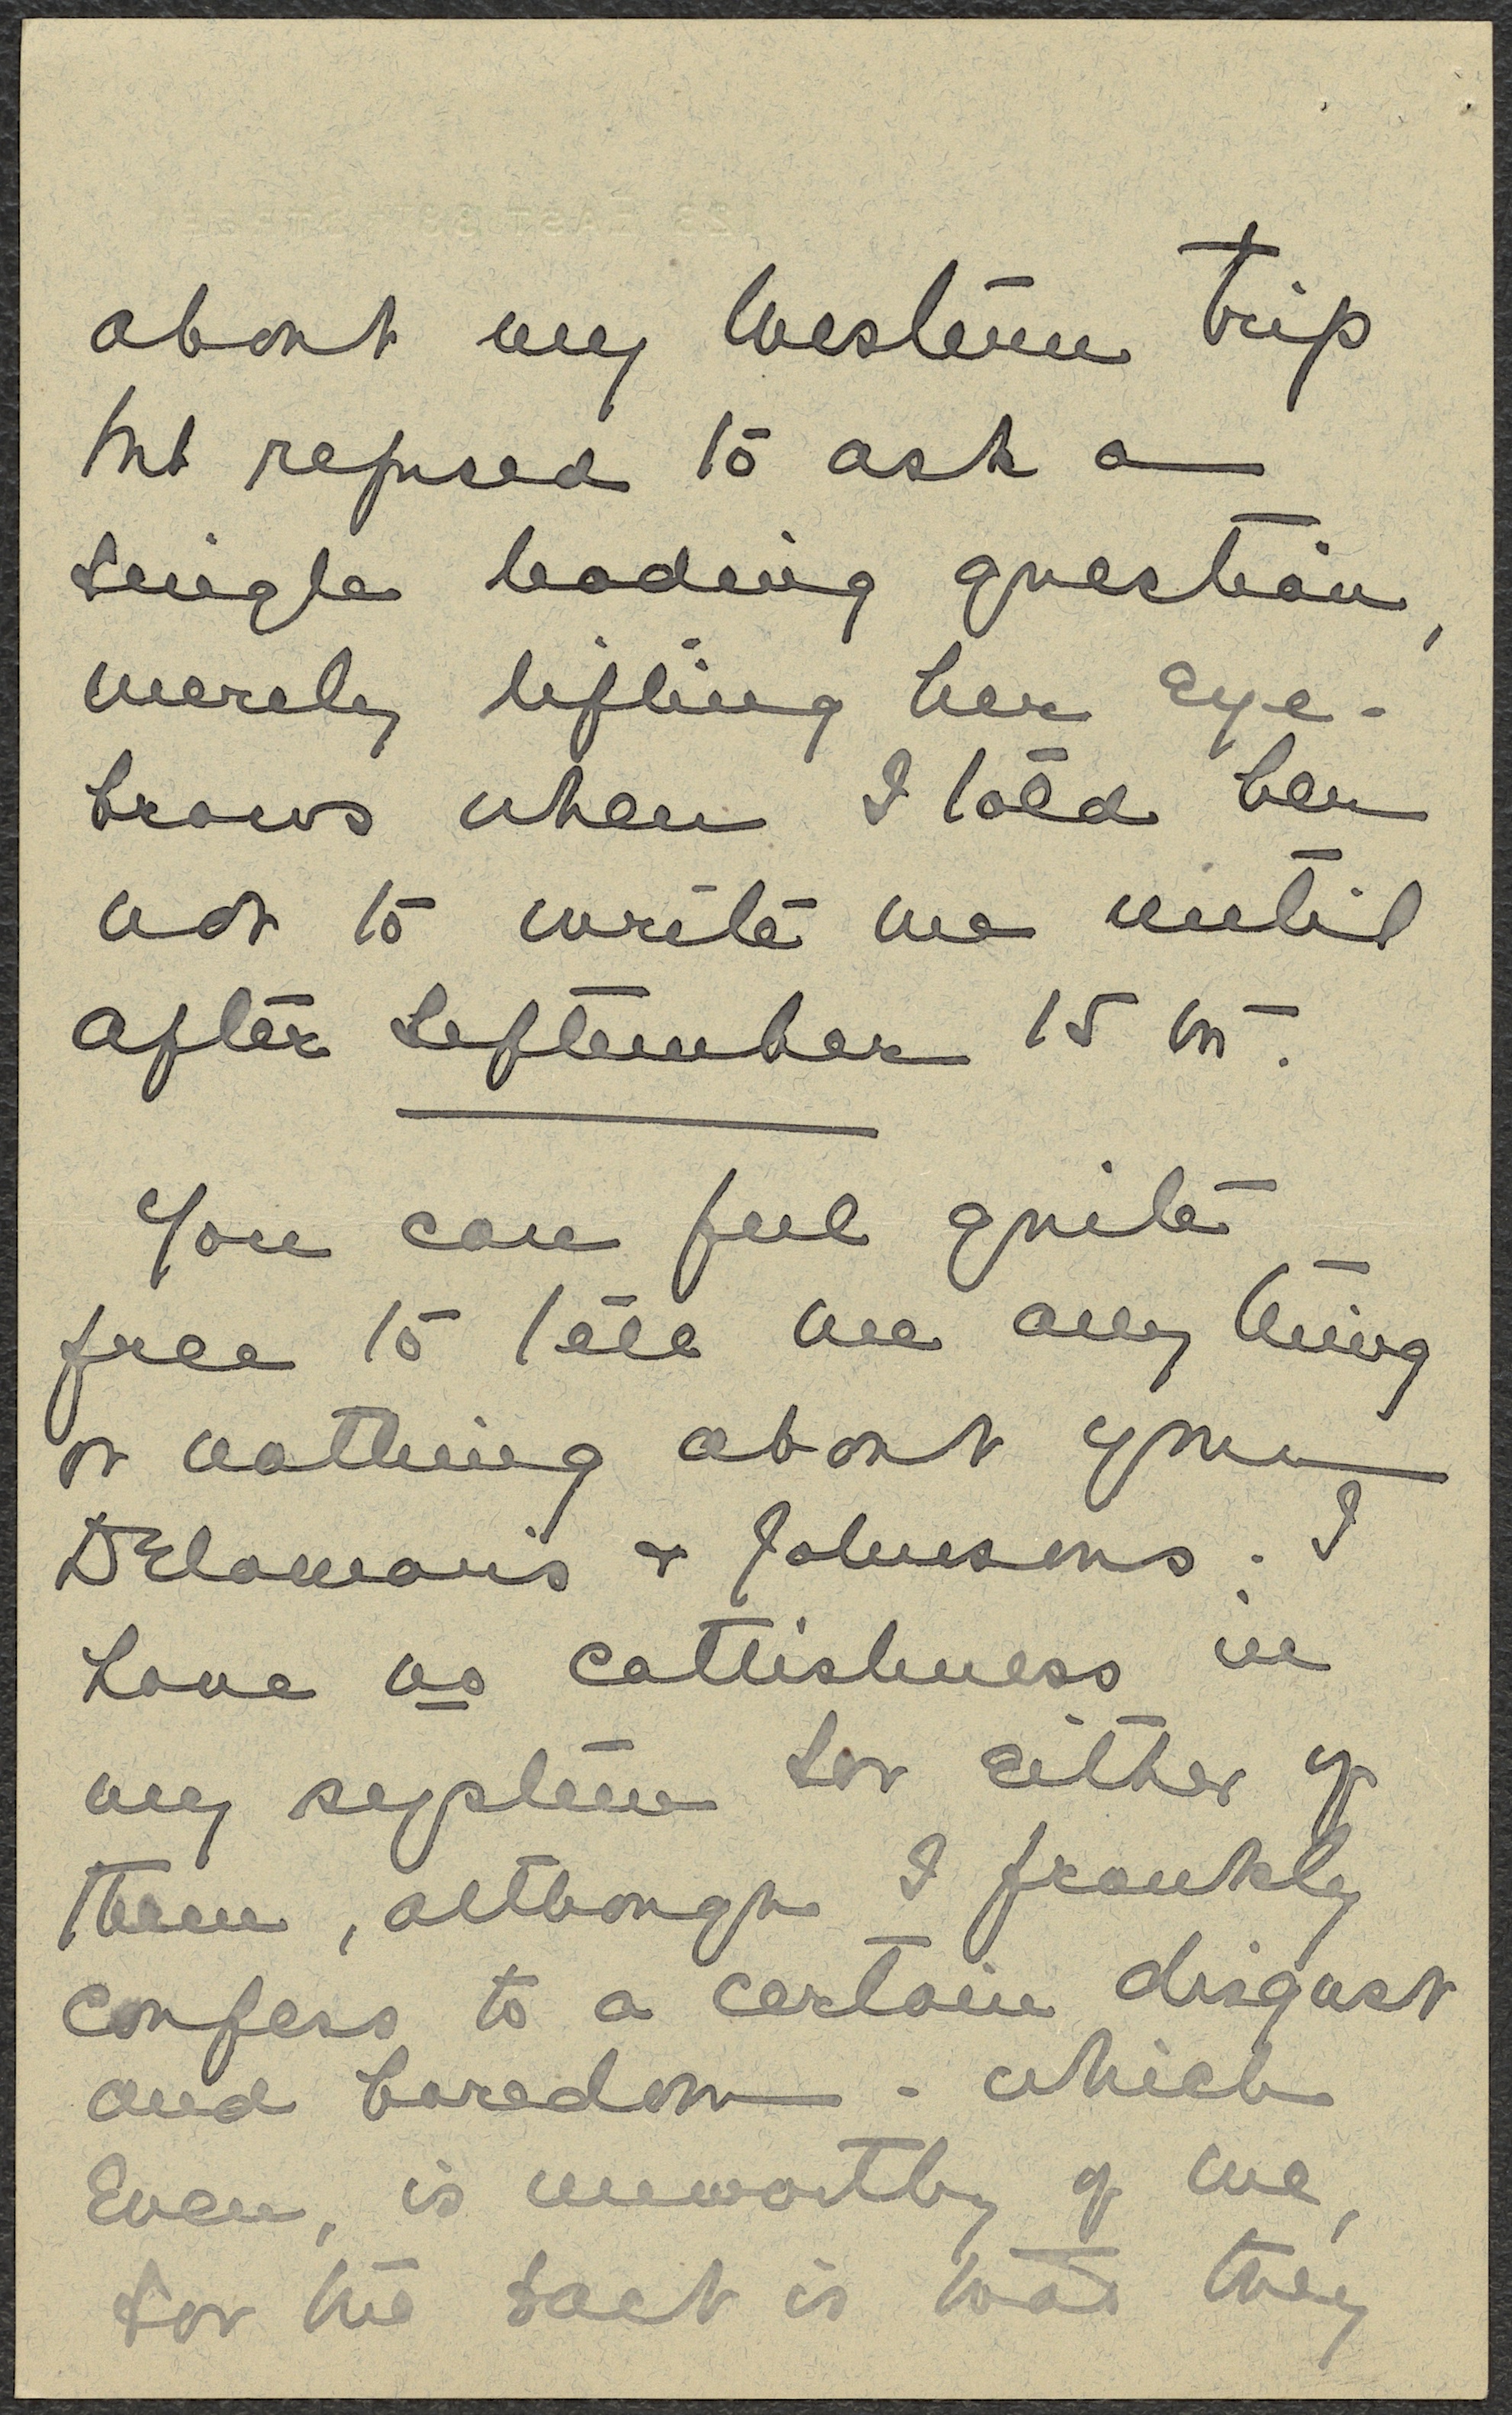about my Western trip but refused to ask a single leading question, merely lifting her eyebrows when I told her not to write me until after September 15th.
You can feel quite free to tell me anything or nothing about your Delamar’s & Johnnsons. I have no cattishness in my system for either of them, although I frankly confess to a certain disgust and boredom – which even, is unworthy of me, for the fact is that they